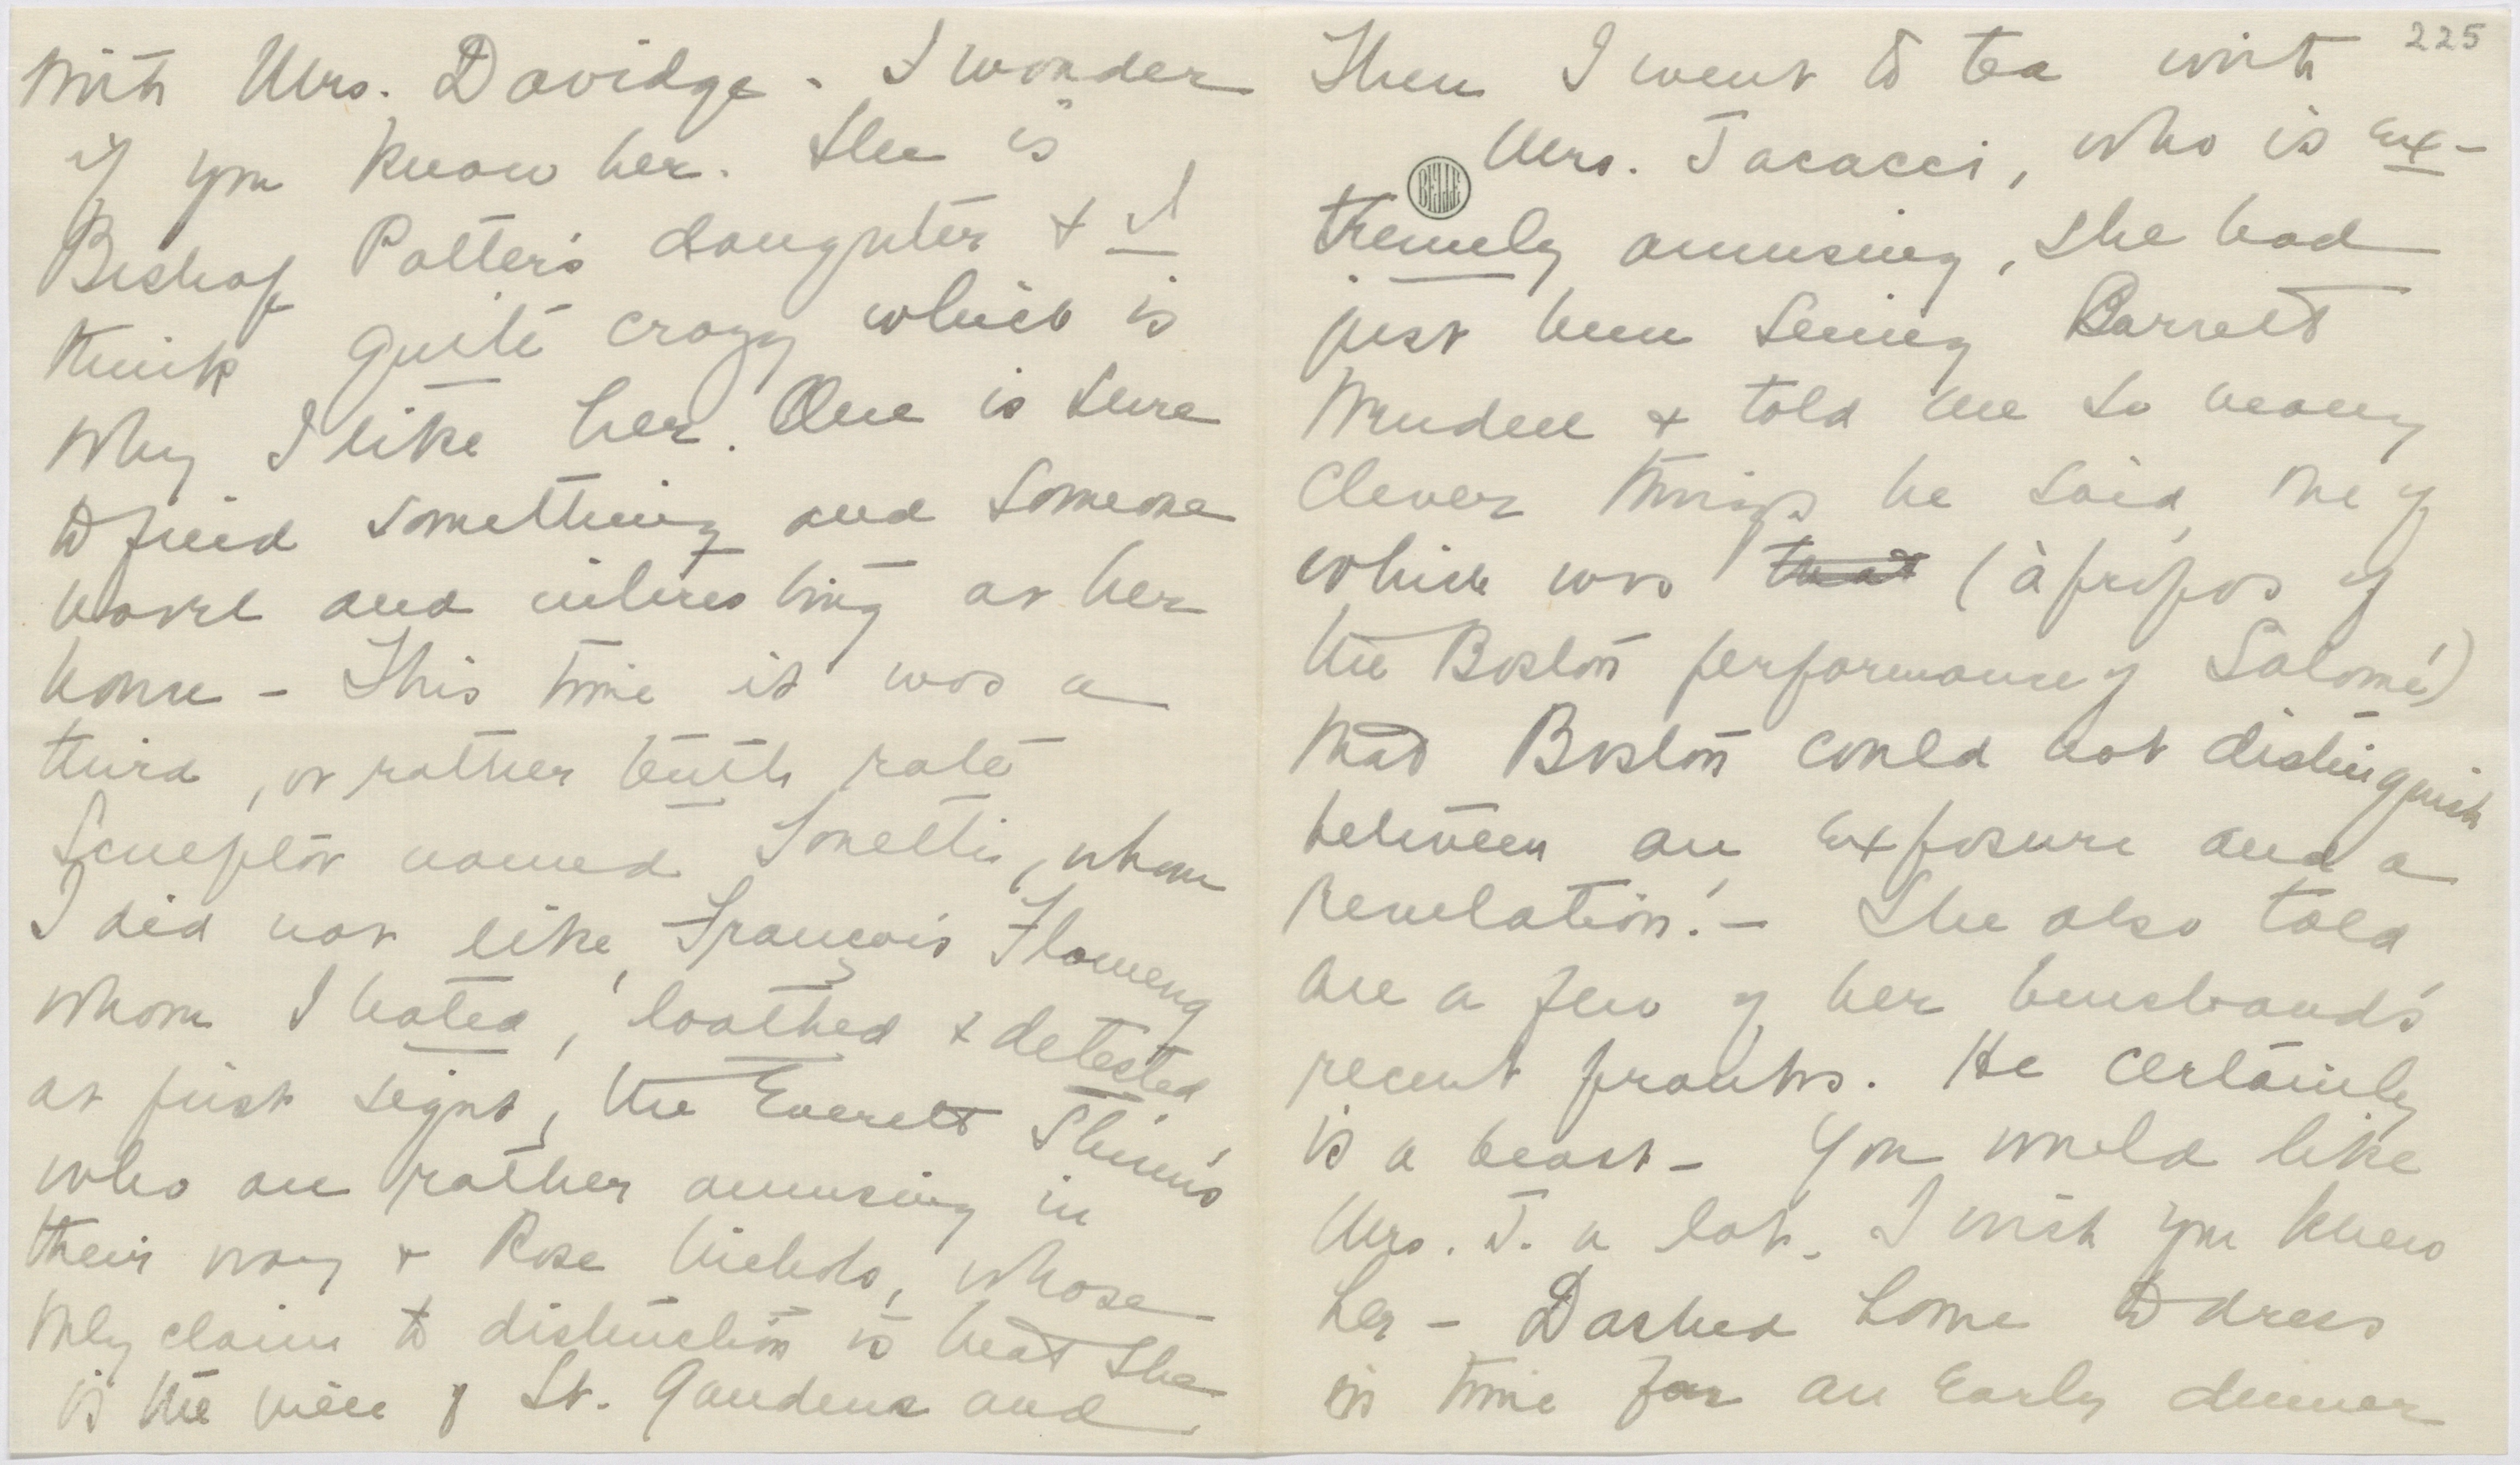Then I went to tea with Mrs. Jacacci, who is extremely amusing, she had just been seeing Barrett Wendell & told me so many clever things he said, one of which was that (à propos of the Boston performance of Salomé) that Boston could not distinguish between an exposure and a revelation! – She also told me a few of her husbands’ recent pranks. He certainly is a beast – You would like Mrs. J. a lot. I wish you knew her – Dashed home to dress in time for an early dinner
with Mrs. Davidge. I wonder if you knew her. She is Bishop Potter’s daughter & I think quite crazy which is why I like her. One is sure to find something and someone novel and interesting at her house – This time it was a third, or rather tenth rate Sculptor named Tonetti, whom I did not like, Francois Flameng whom I hated, loathed & detested at first sight, the Everett Shinn’s who are rather amusing in their way & Rose Nichols, whose only claim to distinction is that she is the niece of St. Gaudens and